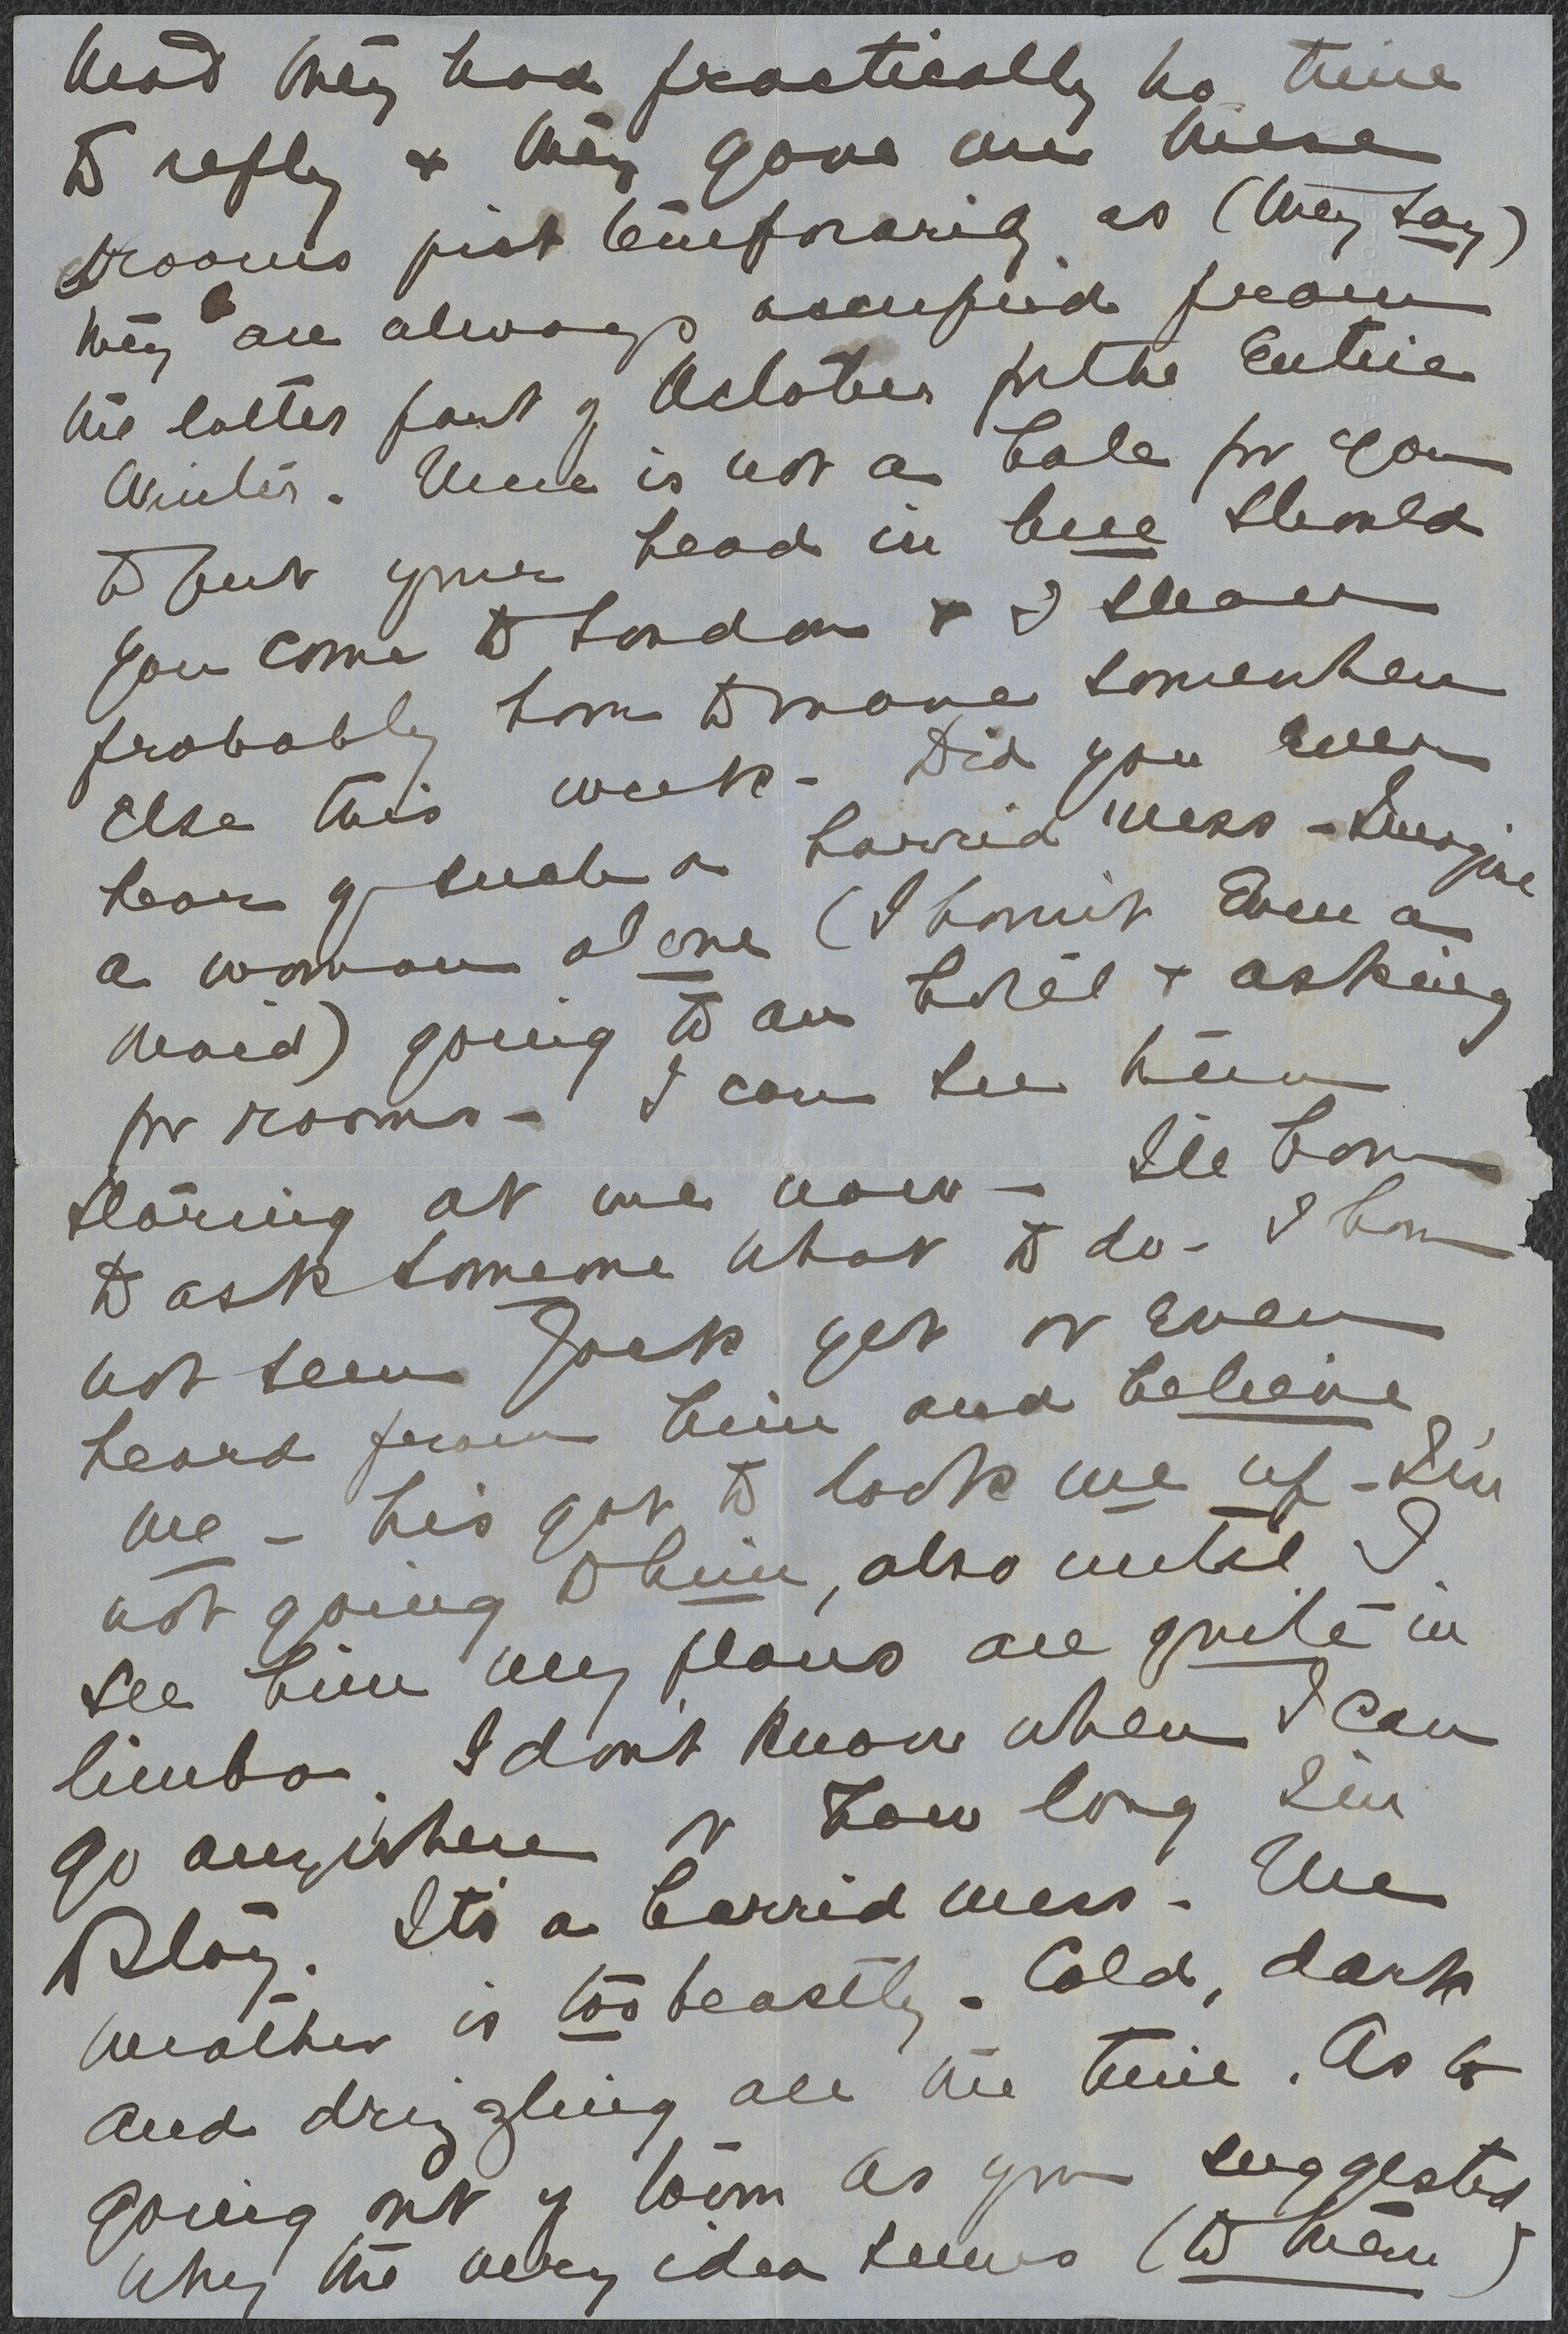that they had practically no time to reply & they gave me these rooms just temporarily as (they say) they are always occupied from the latter part of October for the entire winter. There is not a hole for you to put your head in here should you come to London & I shall probably have to move somewhere else this week – Did you ever hear of such a horrid mess – Imagine a woman alone (I haven’t even a maid) going to an hotel & asking for rooms – I can see them staring at me now – I’ll have to ask someone what to do – I have not seen Jack yet or even heard from him and believe me – he’s got to look me up – I’m not going to him, also until I see him my plans are quite in limbo. I don’t know when I can go anywhere or how long I’m to stay. It’s a horrid mess – The weather is too beastly – Cold, dark and drizzling all the time. As to going out of town as you suggested why the very idea seems (to them)